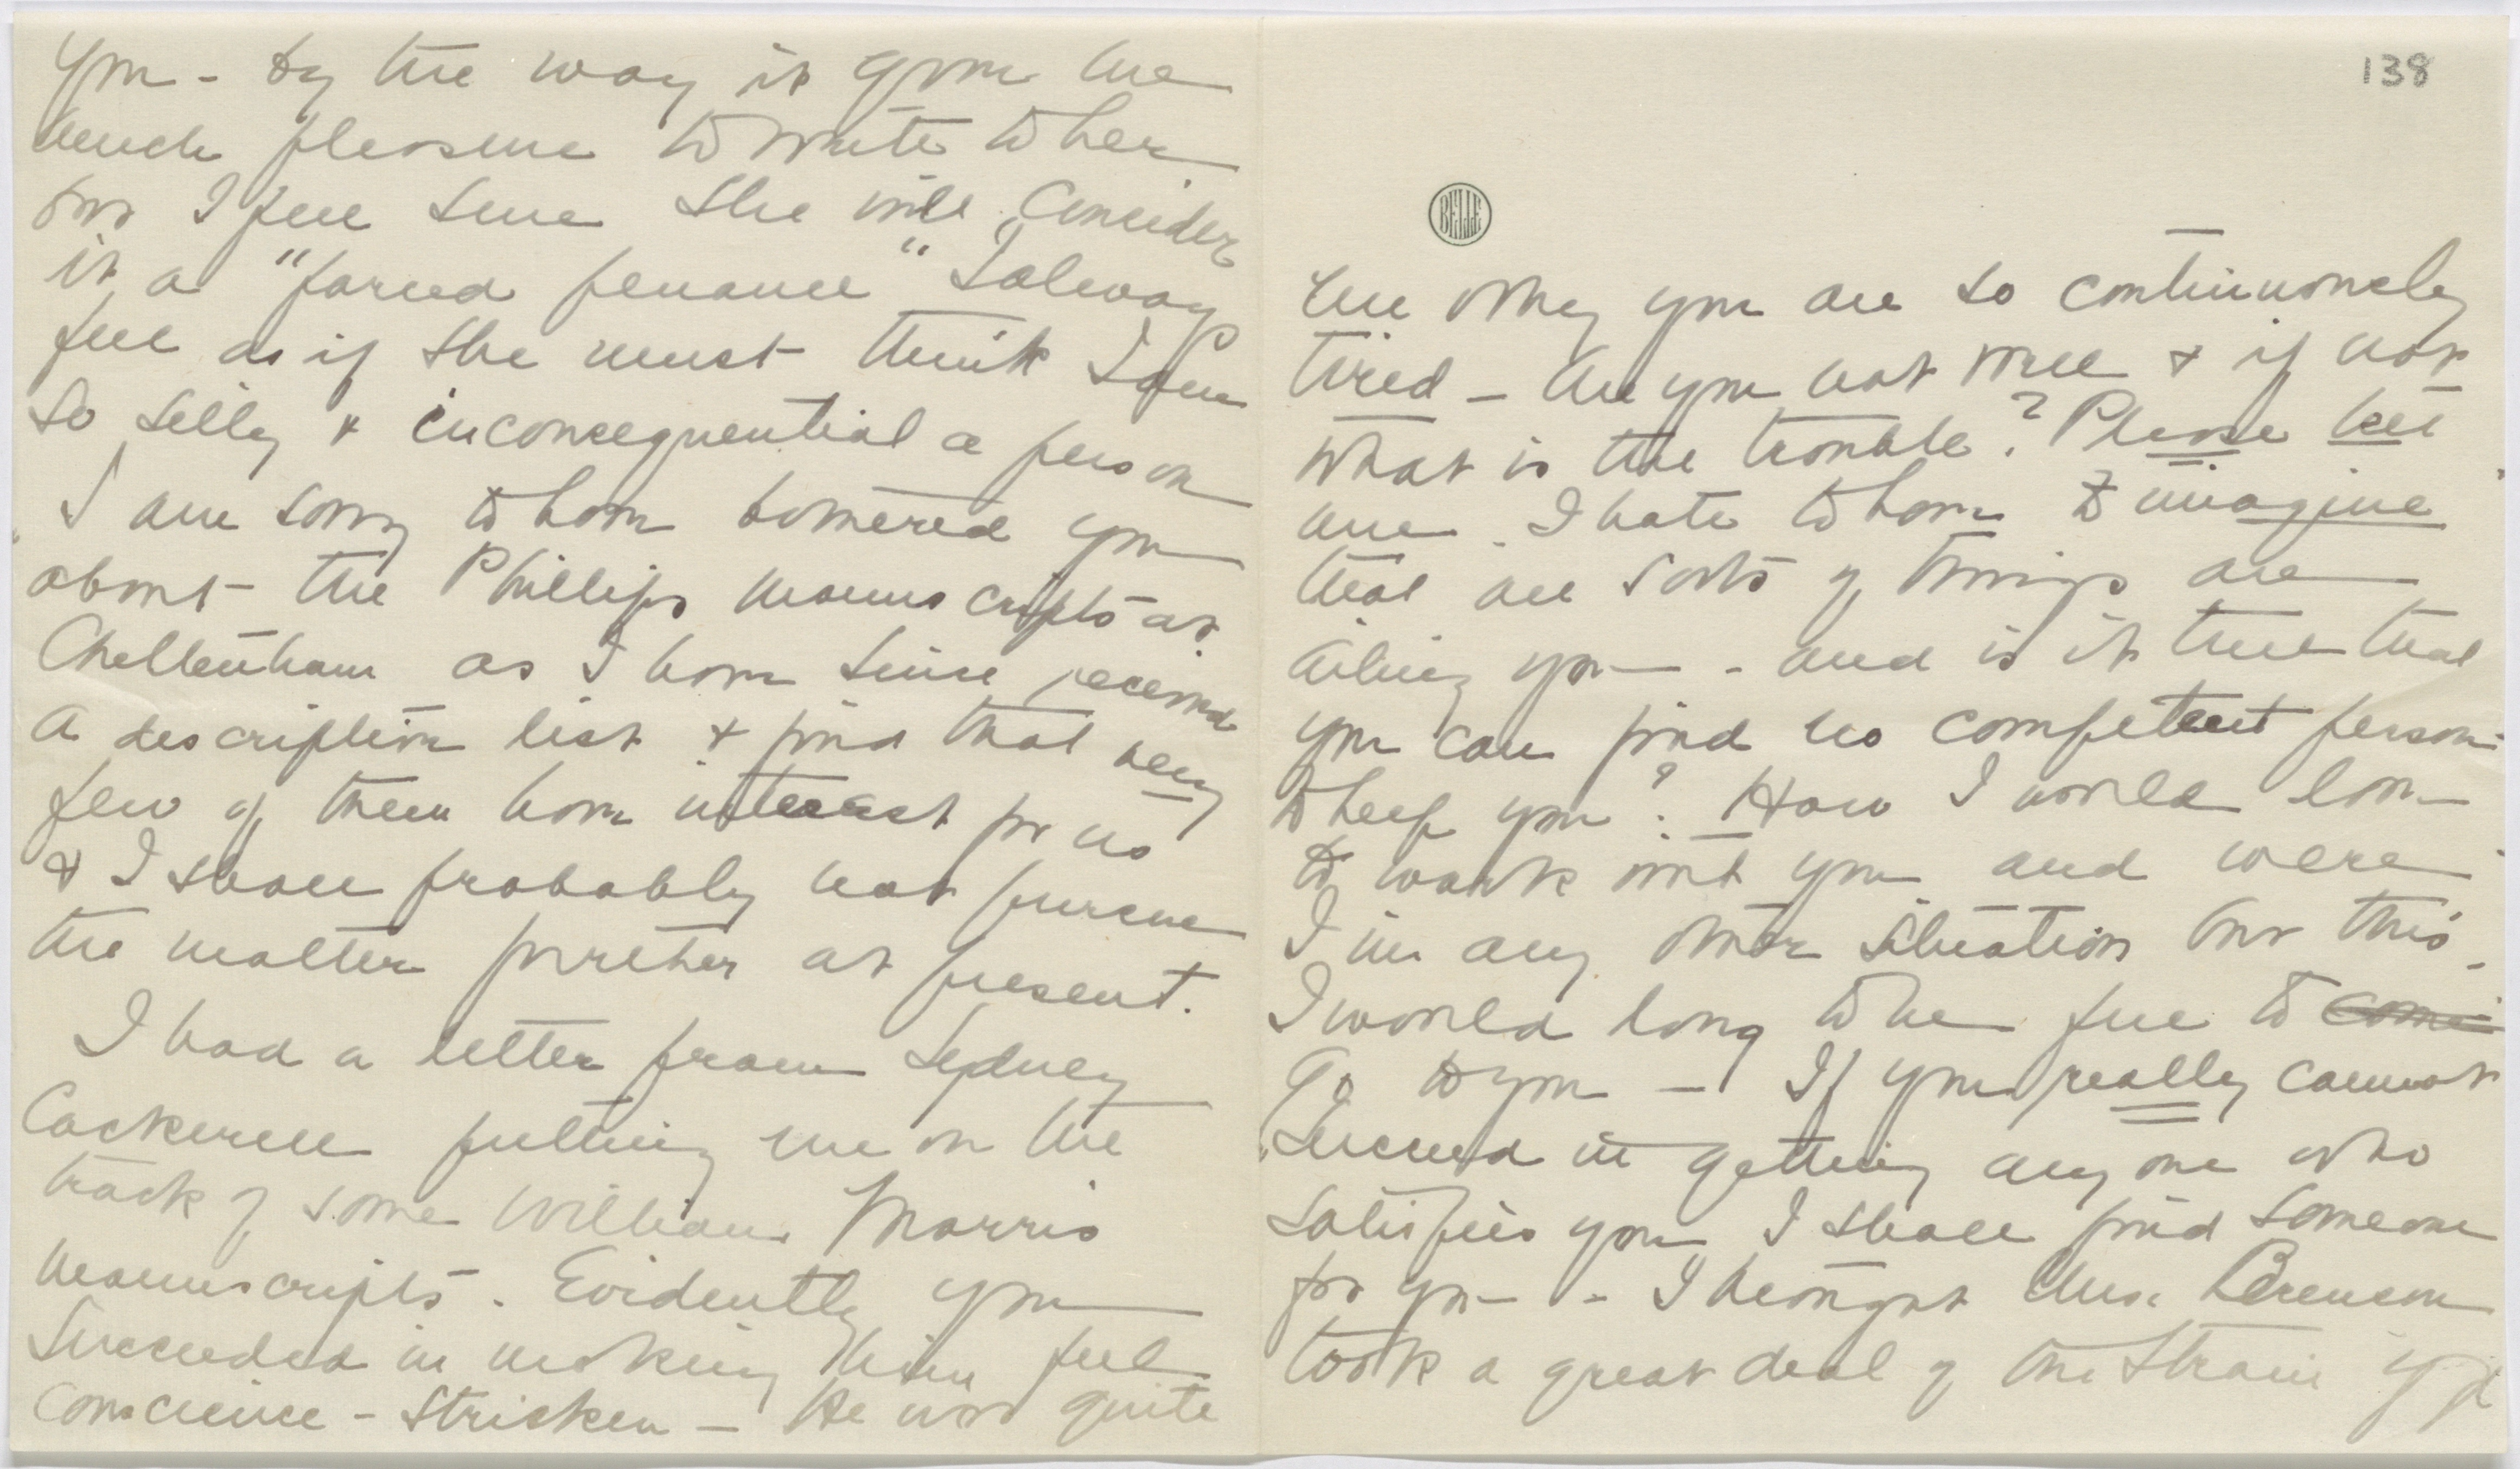me why you are so continuously tired – Are you not well & if not what is the trouble? [double underlined: Please] tell me – I hate to have to imagine that all sorts of things are ailing you – and is it true that you can find no competent person to help you? How I would love to work with you and were I in any other situation but this, I would long to be free to come go to you – If you [double underlined: really] cannot succeed in getting any one who satisfies you I shall find someone for you – I thought Mrs. Berenson took a great deal of the strain off of
you – by the way it gave me much pleasure to write to her for I feel sure she will consider it a “forced penance” I always feel as if she must think I am so silly & inconsequential a person
I am sorry to have bothered you about the Phillips manuscripts at Cheltenham as I have since received a descriptive list & find that very few of them have interest for us & I shall probably not pursue the matter further at present.
I had a letter from Sydney Cockerell putting me on the track of some William Morris manuscripts. Evidently you succeeded in making him feel conscience-stricken – He was quite